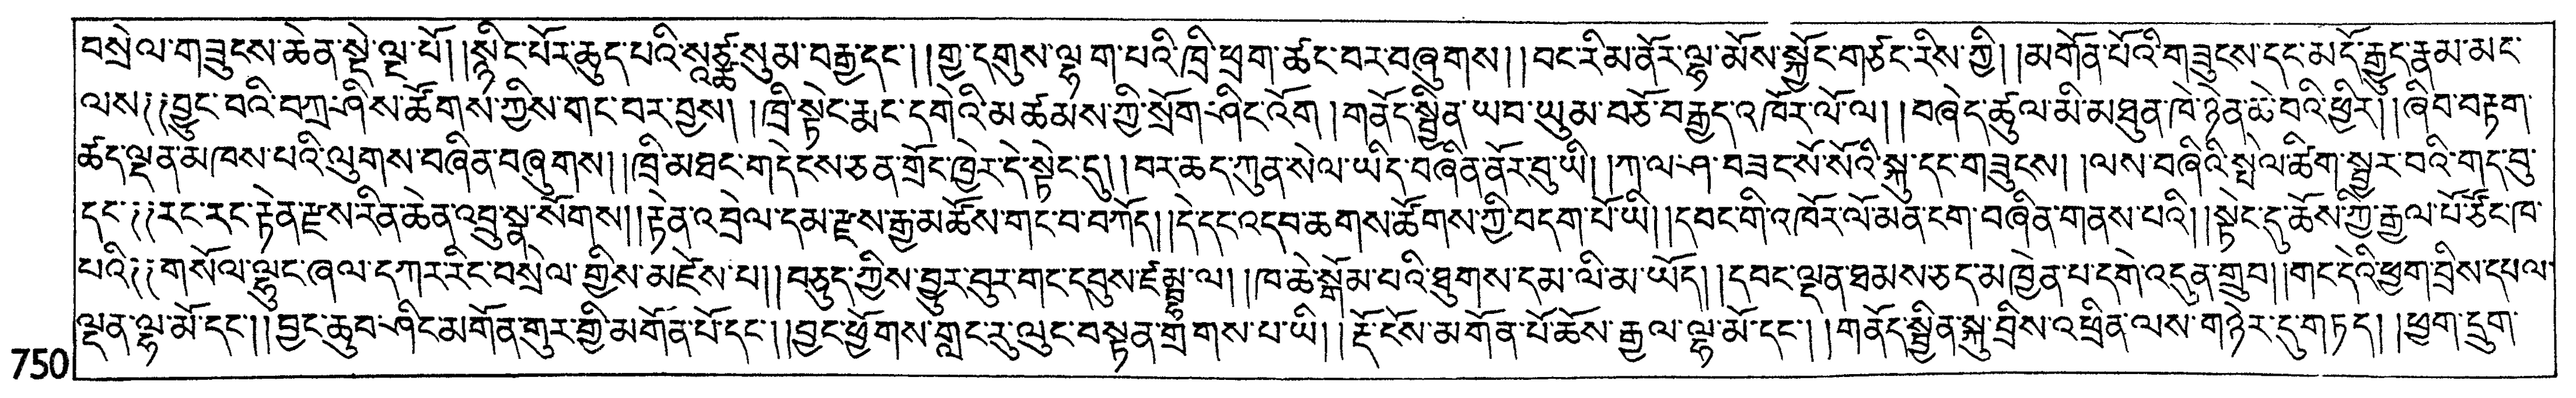བསྲེལ་གཟུངས་ཆེན་སྡེ་ལྔ་པོ། །སྙིང་པོར་ཆུད་པའི་སཱ་ཙྪ་སུམ་བརྒྱ་དང་། །གྱ་དགུས་ལྷག་པའི་ཁྲི་ཕྲག་ཚང་བར་བཞུགས། །བང་རིམ་ནོར་ལྷ་མོས་སྐྱོང་གཙང་རིས་ཀྱི། །མགོན་པོའི་གཟུངས་དང་མདོ་རྒྱུད་རྣམ་མང་
ལས། །བྱུང་བའི་བཀྲ་ཤིས་ཚོགས་ཀྱིས་གང་བར་བྱས། །ཁྲི་སྟེང་རྨང་དགེའི་མཚམས་ཀྱི་སྲོག་ཤིང་འོག །གནོད་སྦྱིན་ཡབ་ཡུམ་བཅོ་བརྒྱད་འཁོར་ལོ་ལ། །བཞེད་ཚུལ་མི་མཐུན་ཁེ་ཉེན་ཆེ་བའི་ཕྱིར། །ཞིབ་བརྟག་
ཚད་ལྡན་མཁས་པའི་ལུགས་བཞིན་བཞུགས། །ཁྲི་མཐང་གདེངས་ཅན་གྲོང་ཁྱེར་དེ་སྟེང་དུ། །བར་ཆད་ཀུན་སེལ་ཡིད་བཞིན་ནོར་བུ་ཡི། །ཀ་ལ་ཤ་བཟང་སོ་སོའི་སྐུ་དང་གཟུངས། །ལས་བཞིའི་སྤེལ་ཚིག་སྦྱར་བའི་གད་བུ་
དང་། །རང་རང་རྟེན་རྫས་རིན་ཆེན་འབྲུ་སྣ་སོགས། །རྟེན་འབྲེལ་དམ་རྫས་རྒྱ་མཚོས་གང་བ་བཀོད། །དེ་དང་འདབ་ཆགས་ཚོགས་ཀྱི་བདག་པོ་ཡི། །དབང་གི་འཁོར་ལོ་མན་ངག་བཞིན་གནས་པའི། །སྟེང་དུ་ཆོས་ཀྱི་རྒྱལ་པོ་ཙོང་ཁ་
པའི། །གསོལ་ལྷུང་ཞལ་དཀར་རིང་བསྲེལ་གྱིས་མཛེས་པ། །བཅུད་ཀྱིས་བྱུར་བུར་གང་དབུས་ཛམྦྷ་ལ། །ཁ་ཆེ་སྒོམ་པའི་ཐུགས་དམ་ལི་མ་ཡོད། །དབང་ལྡན་ཐམས་ཅད་མཁྱེན་པ་དགེ་འདུན་གྲུབ། །གང་དེའི་ཕྱག་བྲིས་དཔལ་
ལྡན་ལྷ་མོ་དང་། །བྱང་ཆུབ་ཤིང་མགོན་གུར་གྱི་མགོན་པོ་དང་། །བྱང་ཕྱོགས་གླང་རུ་ལུང་བསྟན་གྲགས་པ་ཡི། །རྡོ་ངོས་མགོན་པོ་ཆོས་རྒྱལ་ལྷ་མོ་དང་། །གནོད་སྦྱིན་སྐུ་བྲིས་འཕྲིན་ལས་གཉེར་དུ་གཏད། །ཕྱག་དྲུག་